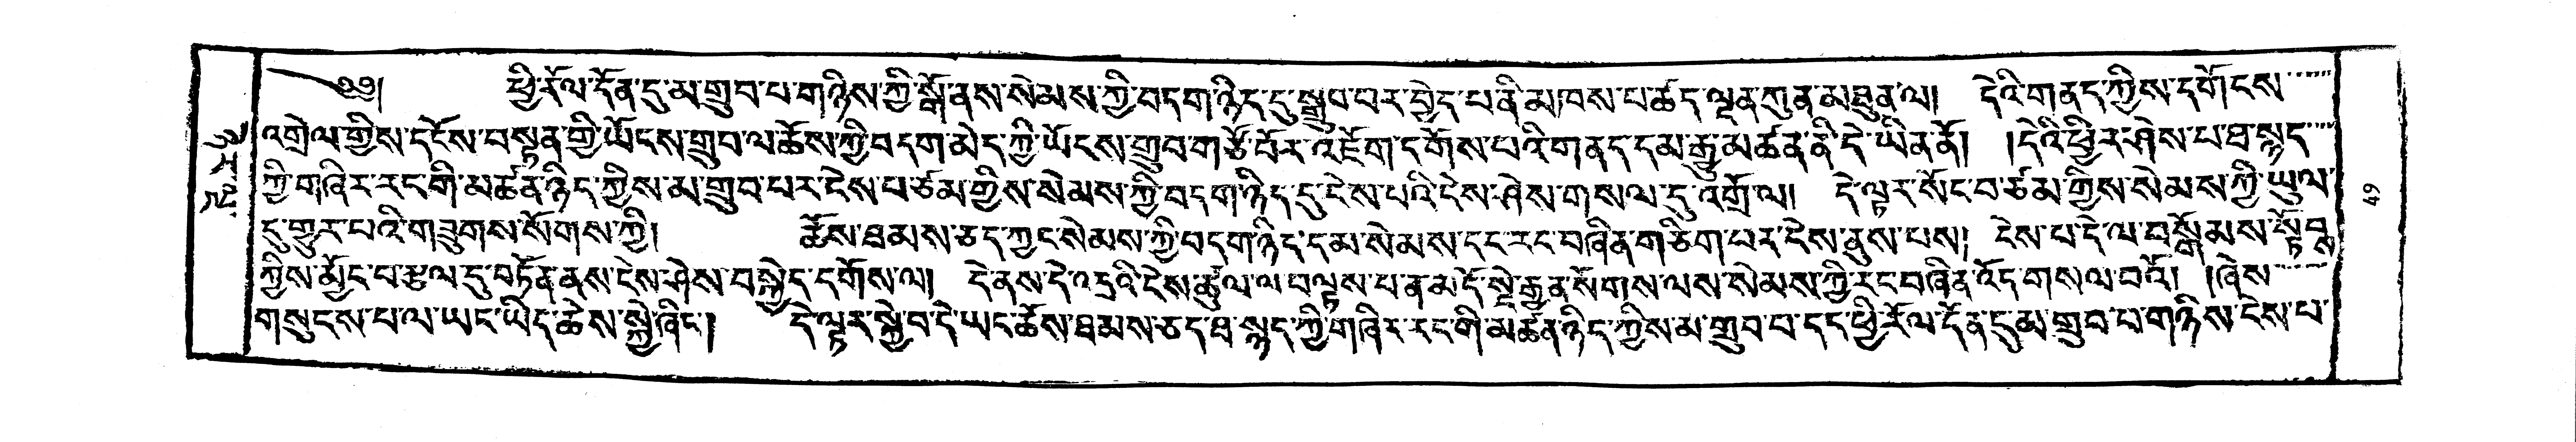། །དུ་གྱུར་པའི་གཟུགས་སོགས་ཀྱི། ཆོས་ཐམས་ཅད་ཀྱང་སེམས་ཀྱི་བདག་ཉིད་དམ་སེམས་དང་རང་བཞིན་གཅིག་པར་ངེས་ནུས་པས། ངེས་པ་དེ་ལ་བསྒོམས་སྟོབས་
ཀྱིས་མྱོང་བ་རྩལ་དུ་བཏོན་ནས་ངེས་ཤེས་བསྐྱེད་དགོས་ལ། དེ་ནས་དེ་འདྲའི་ངེས་ཚུལ་ལ་བལྟས་པ་ན་མདོ་སྡེ་རྒྱན་སོགས་ལས་སེམས་ཀྱི་རང་བཞིན་འོད་གསལ་བའོ། །ཞེས་
གསུངས་པ་ལ་ཡང་ཡིད་ཆེས་སྐྱེ་ཞིང་། དེ་ལྟར་སྐྱེ་བ་དེ་ཡང་ཆོས་ཐམས་ཅད་ཐ་སྙད་ཀྱི་གཞིར་རང་གི་མཚན་ཉིད་ཀྱིས་མ་གྲུབ་པ་དང་ཕྱི་རོལ་དོན་དུ་མ་གྲུབ་པ་གཉིས་ངེས་པ་